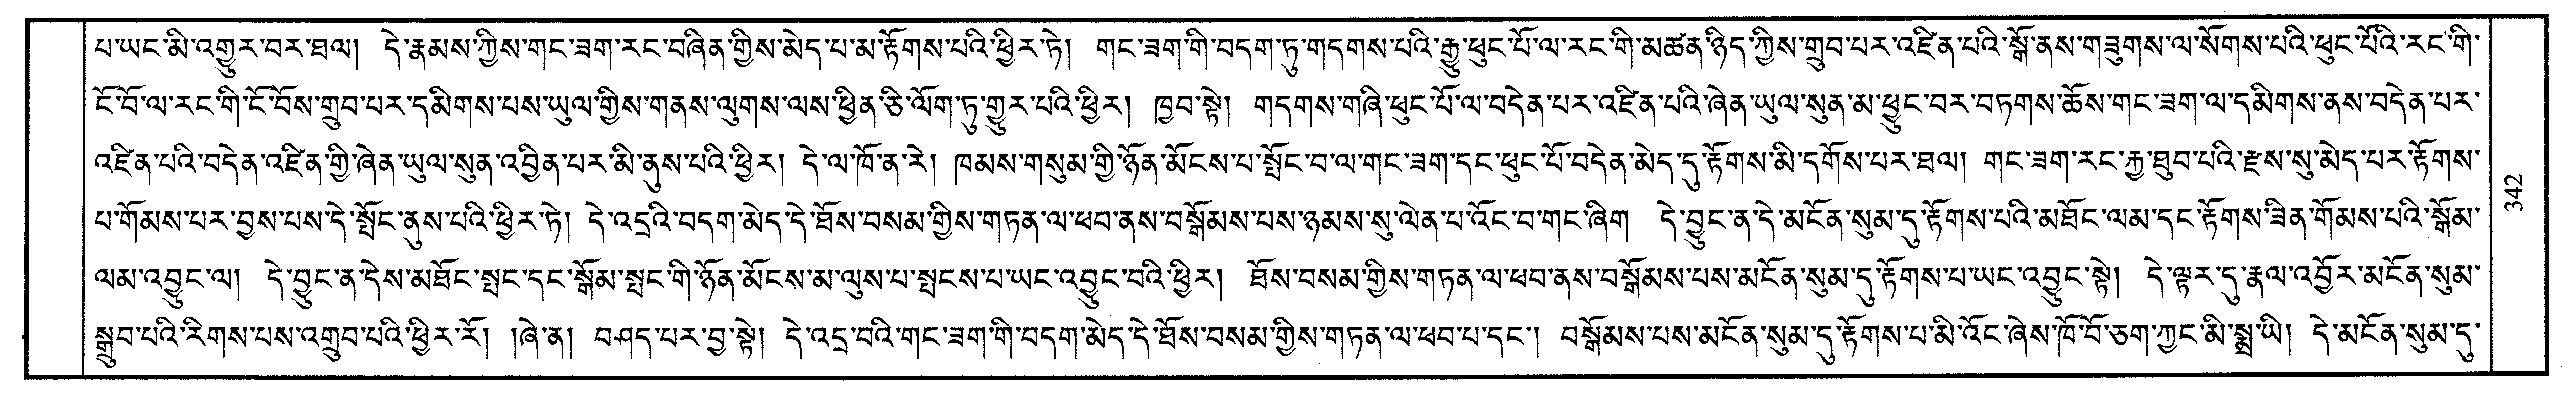པ་ཡང་མི་འགྱུར་བར་ཐལ། དེ་རྣམས་ཀྱིས་གང་ཟག་རང་བཞིན་གྱིས་མེད་པ་མ་རྟོགས་པའི་ཕྱིར་ཏེ། གང་ཟག་གི་བདག་ཏུ་གདགས་པའི་རྒྱུ་ཕུང་པོ་ལ་རང་གི་མཚན་ཉིད་ཀྱིས་གྲུབ་པར་འཛིན་པའི་སྒོ་ནས་གཟུགས་ལ་སོགས་པའི་ཕུང་པོའི་རང་གི་
ངོ་བོ་ལ་རང་གི་ངོ་བོས་གྲུབ་པར་དམིགས་པས་ཡུལ་གྱིས་གནས་ལུགས་ལས་ཕྱིན་ཅི་ལོག་ཏུ་གྱུར་པའི་ཕྱིར། ཁྱབ་སྟེ། གདགས་གཞི་ཕུང་པོ་ལ་བདེན་པར་འཛིན་པའི་ཞེན་ཡུལ་སུན་མ་ཕྱུང་བར་བཏགས་ཆོས་གང་ཟག་ལ་དམིགས་ནས་བདེན་པར་
འཛིན་པའི་བདེན་འཛིན་གྱི་ཞེན་ཡུལ་སུན་འབྱིན་པར་མི་ནུས་པའི་ཕྱིར། དེ་ལ་ཁོ་ན་རེ། ཁམས་གསུམ་གྱི་ཉོན་མོངས་པ་སྤོང་བ་ལ་གང་ཟག་དང་ཕུང་པོ་བདེན་མེད་དུ་རྟོགས་མི་དགོས་པར་ཐལ། གང་ཟག་རང་རྐྱ་ཐུབ་པའི་རྫས་སུ་མེད་པར་རྟོགས་
པ་གོམས་པར་བྱས་པས་དེ་སྤོང་ནུས་པའི་ཕྱིར་ཏེ། དེ་འདྲའི་བདག་མེད་དེ་ཐོས་བསམ་གྱིས་གཏན་ལ་ཕབ་ནས་བསྒོམས་པས་ཉམས་སུ་ལེན་པ་འོང་བ་གང་ཞིག །དེ་བྱུང་ན་དེ་མངོན་སུམ་དུ་རྟོགས་པའི་མཐོང་ལམ་དང་རྟོགས་ཟིན་གོམས་པའི་སྒོམ་
ལམ་འབྱུང་ལ། དེ་བྱུང་ན་དེས་མཐོང་སྤང་དང་སྒོམ་སྤང་གི་ཉོན་མོངས་མ་ལུས་པ་སྤངས་པ་ཡང་འབྱུང་བའི་ཕྱིར། ཐོས་བསམ་གྱིས་གཏན་ལ་ཕབ་ནས་བསྒོམས་པས་མངོན་སུམ་དུ་རྟོགས་པ་ཡང་འབྱུང་སྟེ། དེ་ལྟར་དུ་རྣལ་འབྱོར་མངོན་སུམ་
སྒྲུབ་པའི་རིགས་པས་འགྲུབ་པའི་ཕྱིར་རོ། །ཞེ་ན། བཤད་པར་བྱ་སྟེ། དེ་འདྲ་བའི་གང་ཟག་གི་བདག་མེད་དེ་ཐོས་བསམ་གྱིས་གཏན་ལ་ཕབ་པ་དང་། བསྒོམས་པས་མངོན་སུམ་དུ་རྟོགས་པ་མི་འོང་ཞེས་ཁོ་བོ་ཅག་ཀྱང་མི་སྨྲ་ཡི། དེ་མངོན་སུམ་དུ་